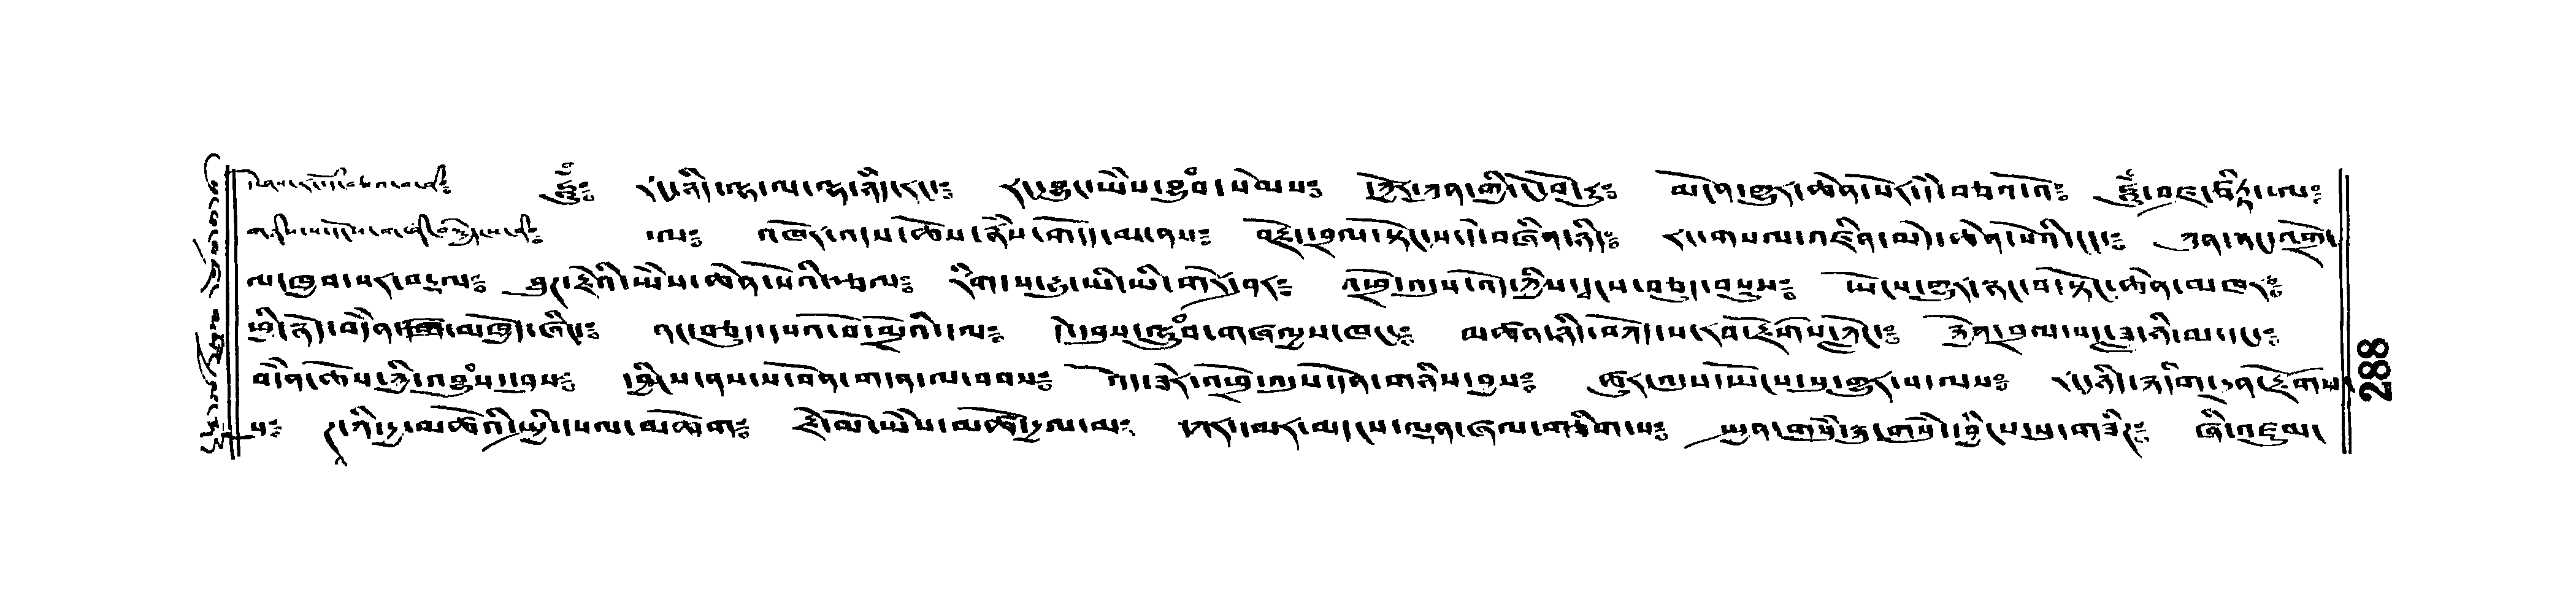དེ་ནས་རང་དམ་བཅའ་བ་ནི༔ ཧཱུྃ༔ རང་ཉིད་ལྷ་ལ་ལྷ་ཉིད་རང༔ རང་བྱུང་ཡེ་ཤེས་བྱང་ཆུབ་སེམས༔ དཀྱིལ་འཁོར་ཀུན་གྱི་ངོ་བོ་རུ༔ མངོན་གྱུར་ཆེན་པོར་དམ་བཅའ་འོ༔ ཧཱུྃ་བཛྲ་ཙིཏྟ་ཨཱཿ 
གཉིས་པ་དངོས་གཞི་བསྐྱེད་པ་ནི༔ ཨཱཿ འཁོར་འདས་ཆོས་རྣམས་གདོད་མ་ནས༔ བརྗོད་བྲལ་སྟོང་པ་དེ་བཞིན་ཉིད༔ རང་གསལ་འཛིན་མེད་ཆེན་པོའི་ངང༔ ཀུན་སྣང་འགྲོ་
ལ་ཁྱབ་པར་བརྡལ༔ ཐུགས་རྗེའི་ཡེ་ཤེས་ཆེན་པོའི་རྩལ༔ རིག་པ་རྒྱུ་ཡི་ཡི་གེར་ཤར༔ འཕྲོ་འདུས་འོད་ཀྱིས་དྭངས་བཅུད་བསྡུས༔ ཡོངས་གྱུར་སྣང་བ་སྟོང་ཆེན་མཁར༔ 
ཕྱི་སྣོད་བདེ་ཆེན་མཁའ་སྤྱཽད་ཞིང༔ ནང་བཅུད་དཔའ་བོ་མཁའ་འགྲོའི་དལ༔ དེ་དབུས་ལྷུན་གྲུབ་གཞལ་ཡས་ཁང༔ མཚན་ཉིད་བཀོད་པ་རབ་རྫོགས་ཀློང༔ སྐྱོན་བྲལ་པད་ཟླ་ཉི་མ་དང༔ 
བདེ་ཆེན་ཆོས་ཀྱི་འབྱུང་གནས་དབུས༔ དབྱིངས་ནས་ས་བོན་གདན་ལ་བབས༔ འོད་ཟེར་འཕྲོ་འདུས་དོན་གཉིས་བྱས༔ ཚུར་འདུས་ཡོངས་སུ་གྱུར་པ་ལས༔ རང་ཉིད་སྐད་ཅིག་དྲན་རྫོགས་
སུ༔ ཌཱ་ཀི་རྒྱ་མཚོའི་སྤྱི་དཔལ་མཆོག༔ རྗེ་མོ་ཡེ་ཤེས་མཚོ་རྒྱལ་མ༔ དཀར་དམར་མདངས་ལྡན་ཞལ་གཅིག་པ༔ སྤྱན་གསུམ་སྐུ་གསུམ་དབྱིངས་སུ་གཟིགས༔ ཞི་འཛུམ་